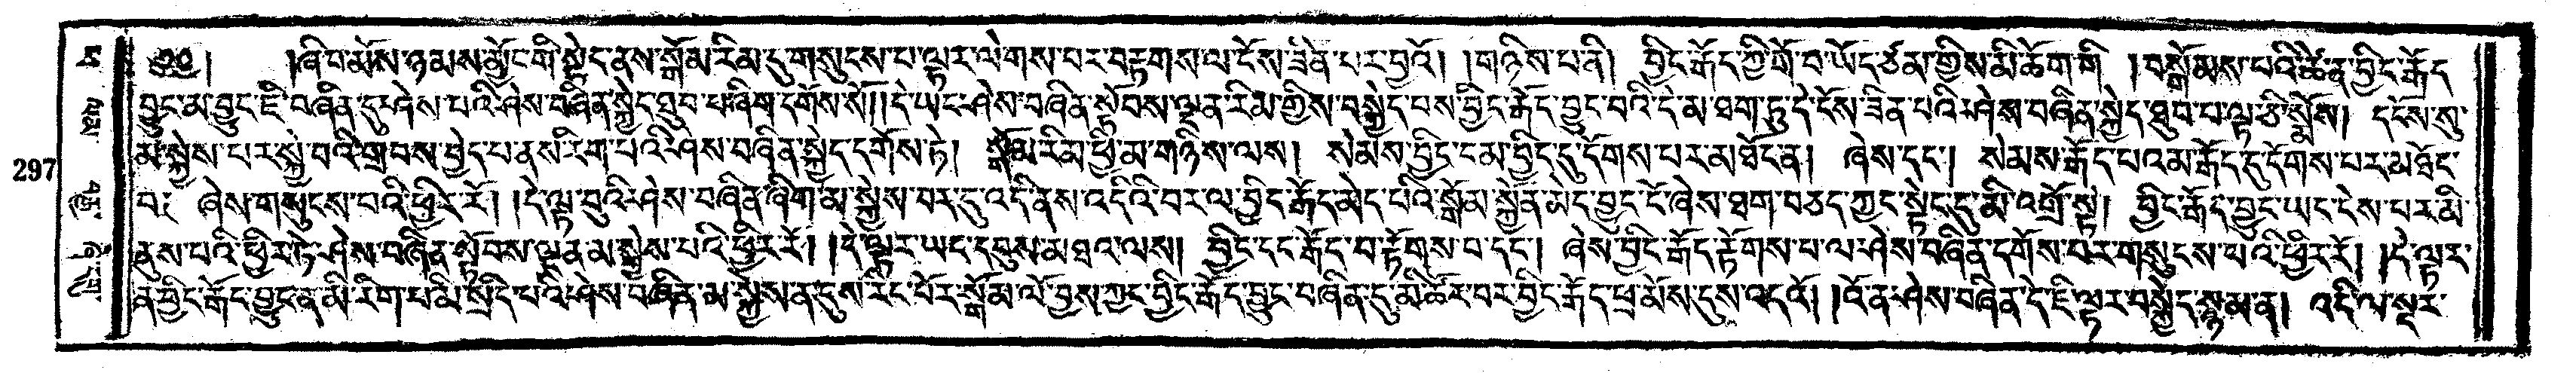༄༅། །ཞི་བ་མོས་ཉམས་མྱོང་གི་སྟེད་ནས་སྒོམ་རིམ་དུ་གསུངས་པ་ལྟར་ལེགས་བར་བརྟགས་ལ་ངོས་ཟིན་པར་བྱའོ། །གཉིས་པ་ནི། བྱིང་རྒོད་ཀྱི་གོ་བ་ཡོད་ཙམ་གྱིས་མི་ཆོག་གི །བསྒོམས་པའི་ཚེ་ན་བྱིང་རྒོད་
བྱུང་མ་བྱུང་ཇི་བཞིན་དུ་ཤེས་པའི་ཤེས་བཞིན་སྐྱེད་ཐུབ་ཕ་ཞིག་དགོས་སོ། །དེ་ཡང་ཤེས་བཞིན་སྟོབས་ལྡན་རིམ་གྱིས་བསྐྱེད་པས་བྱིང་རྒོད་བྱུང་བའི་དེ་མ་ཐག་ཏུ་དེ་ངོས་ཟིན་པའི་ཤེས་བཞིན་སྐྱེད་ཐུབ་པ་ལྟ་ཅི་སྨོས། དངོས་སུ་
མ་སྐྱེས་པར་སྐྱེ་བའི་གྲབས་བྱེད་པ་ནས་རིག་པའི་ཤེས་བཞིན་སྐྱེད་དགོས་ཏེ། སྒོམ་རིམ་ཕྱི་མ་གཉིས་ལས། སེམས་བྱིང་ངམ་བྱིད་དུ་དགོས་པར་མཐོང་ན། ཞེས་དང་། སེམས་རྒོད་པའམ་རྒོད་དུ་དོགས་པར་མཐོང་
བ༑ ཞེས་གསུངས་བའི་ཕྱིར་རོ། །དེ་ལྟ་བུའི་ཤེས་བཞིན་ཞིག་མ་སྐྱེས་བར་དུ་འདི་ནས་འདིའི་བར་ལ་བྱིང་རྒོད་མེད་པའི་སྒོམ་སྐྱོན་མེད་བྱུང་ངོ་ཞེས་ཐག་བཅད་ཀྱང་སྟེང་དུ་མི་འགྲོ་སྟེ། བྱིང་རྒོད་བྱུང་ཡང་ངེས་པར་མི་
ནུས་པའི་ཕྱིར་ཏེ་ཤེས་བཞིན་སྟོབས་ལྡན་མ་སྐྱེས་པའི་ཕྱིར་རོ། །དེ་ལྟར་ཡང་དབུས་མཐའ་ལས། བྱིང་དང་རྒོད་བ་རྟོགས་བ་དང་། ཞེས་བྱིང་རྒོད་རྟོགས་པ་ལ་ཤེས་བཞིན་དགོས་བར་གསུངས་པའི་ཕྱིར་རོ། །དེ་ལྟར་
ན་བྱིང་རྒོད་བྱུང་ན་མི་རིག་པ་མི་སྲིད་པའི་ཤེས་བཞིན་མ་སྐྱེས་ན་དུས་རིང་པོར་སྒོམ་ལོ་བྱས་ཀྱང་བྱིང་རྒོད་བྱུང་བཞིན་དུ་མི་ཚོར་བར་བྱིང་རྒོད་ཕྲ་མོས་དུས་འདའོ། །འོ་ན་ཤེས་བཞིན་དེ་ཇི་ལྟར་བསྐྱེད་སྙམ་ན། འདི་ལ་སྔར་